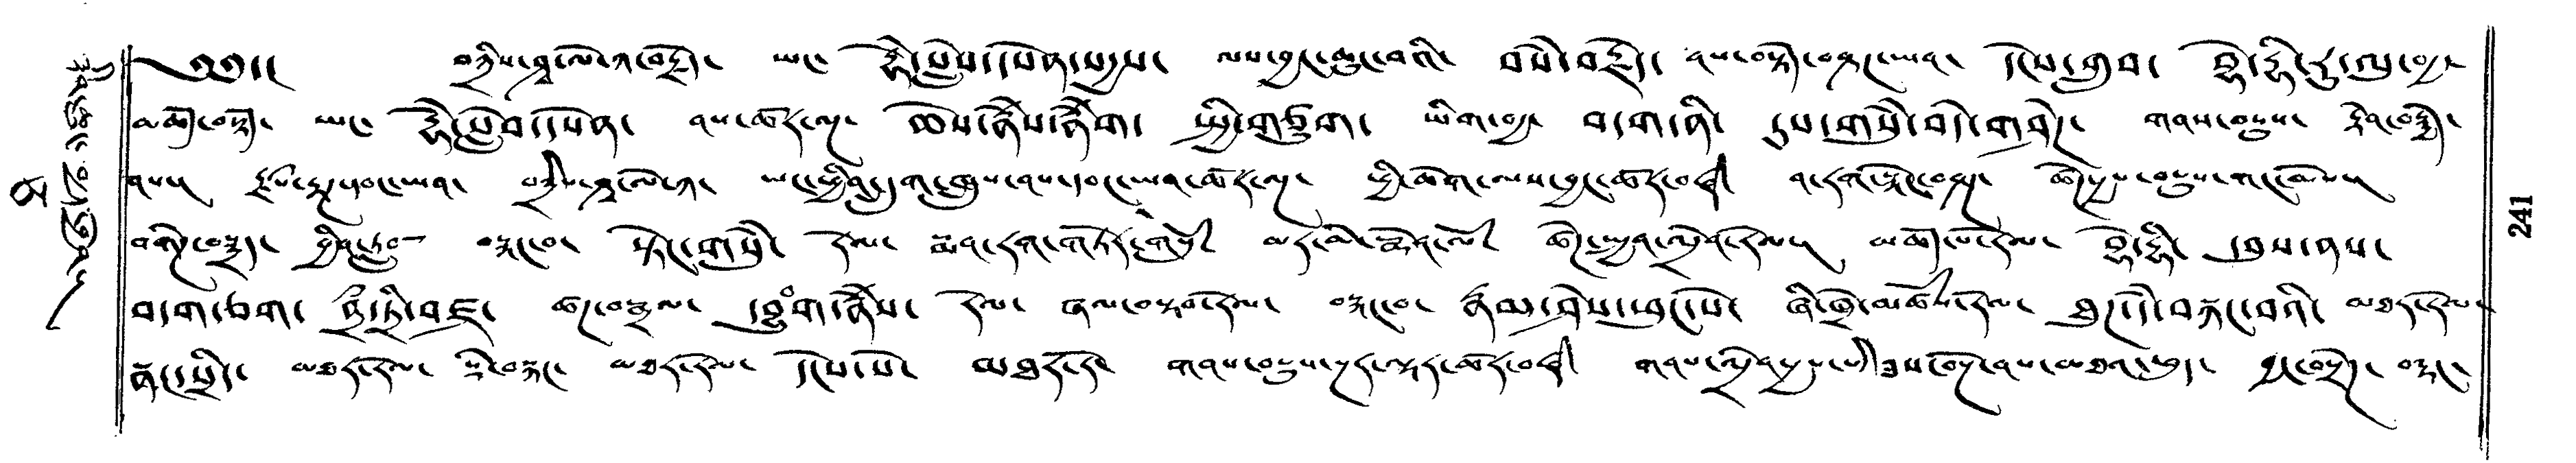བཀྲ་ཤིས་ཤླཽ་ཀ་བརྗོད། ཡང་། རྡོ་རྗེ་སློབ་དཔོན་སངས་རྒྱས༴ ལས་བྱང་ཆུང་བའི། བསམ་བརྗོད༴ ནས་བསྟོད་བཤགས་ཡན། དངོས་གྲུབ༴ བྷོ་དྷི་རུ་ལུ་བརྒྱ། 
མཆོད་བསྟོད། ཡང་། རྡོ་རྗེ་སློབ་དཔོན༴ ནས་ཚར་ལྔ། ཆོས་རྣམས་རྣམ་དག༴ སྤྱི་གཙུག༴ ཡིག་བརྒྱ། བདག་ནི༴ དུས་གསུམ་བདེ་གཤེགས༴ གནས་བསྡུས། རྟེན་བསྐྱེད་
ནས། རྫས་རྟགས་དབང་ཡན། བཀྲ་ཤིས་ཤླཽ་ཀ ཡང་ཕྱིན་དྲུག་ཁྲུས་ནས་དབང་ཡན་ཚར་ལྔ། ཕྱི་ཆོག་ལས་བྱང་ཚར་བཞི། ན་རཀ་སྐོང་བཤགས། ཚོགས་རྒྱས་བསྡུས་གང་མོས། 
བགེགས་བསྐྲད། བྱིན་རླབས། བསྐང་བ། སྟོང་གསུམ༴ རོལ། སྨན་རཀ་གཏོར་གསུམ། མར་མེ་སྨོན་ལམ། ཚོགས་སྤྱན་འདྲེན་རོལ། མཆོད་པ་རོལ། བྷོ་དྷི། དབུས་ནས་
བདག་ཅག༴ ནྲྀ་ཏྲི་བཛྲ༴ ཚོགས་བསྒྲལ། དབང་ཕྱུག་རྣམས༴ རོལ། ཞལ་བསྟབ་རོལ། བསྐང་བ། རྣམ་ཤེས་ཕུང་པོ༴ཞི་ཁྲོ་མཚམས་རོལ། ཐུགས་དམ་བསྐང་བའི༴ མཐར་རོལ། 
སྣང་སྲིད༴ མཐར་རོལ། སྡེ་བསྐང་། མཐར་རོལ། དངོས་པོ༴ མཐར་རོ། གནས་བསྡུས་སྔར་ལྟར་ཚར་བཞི། གནས་འདྲེན་རྒྱས་པའི་ཟས་བསྔོ་ནས་མཐའ་ཕུད། བྱང་བསྲེག བཟང་